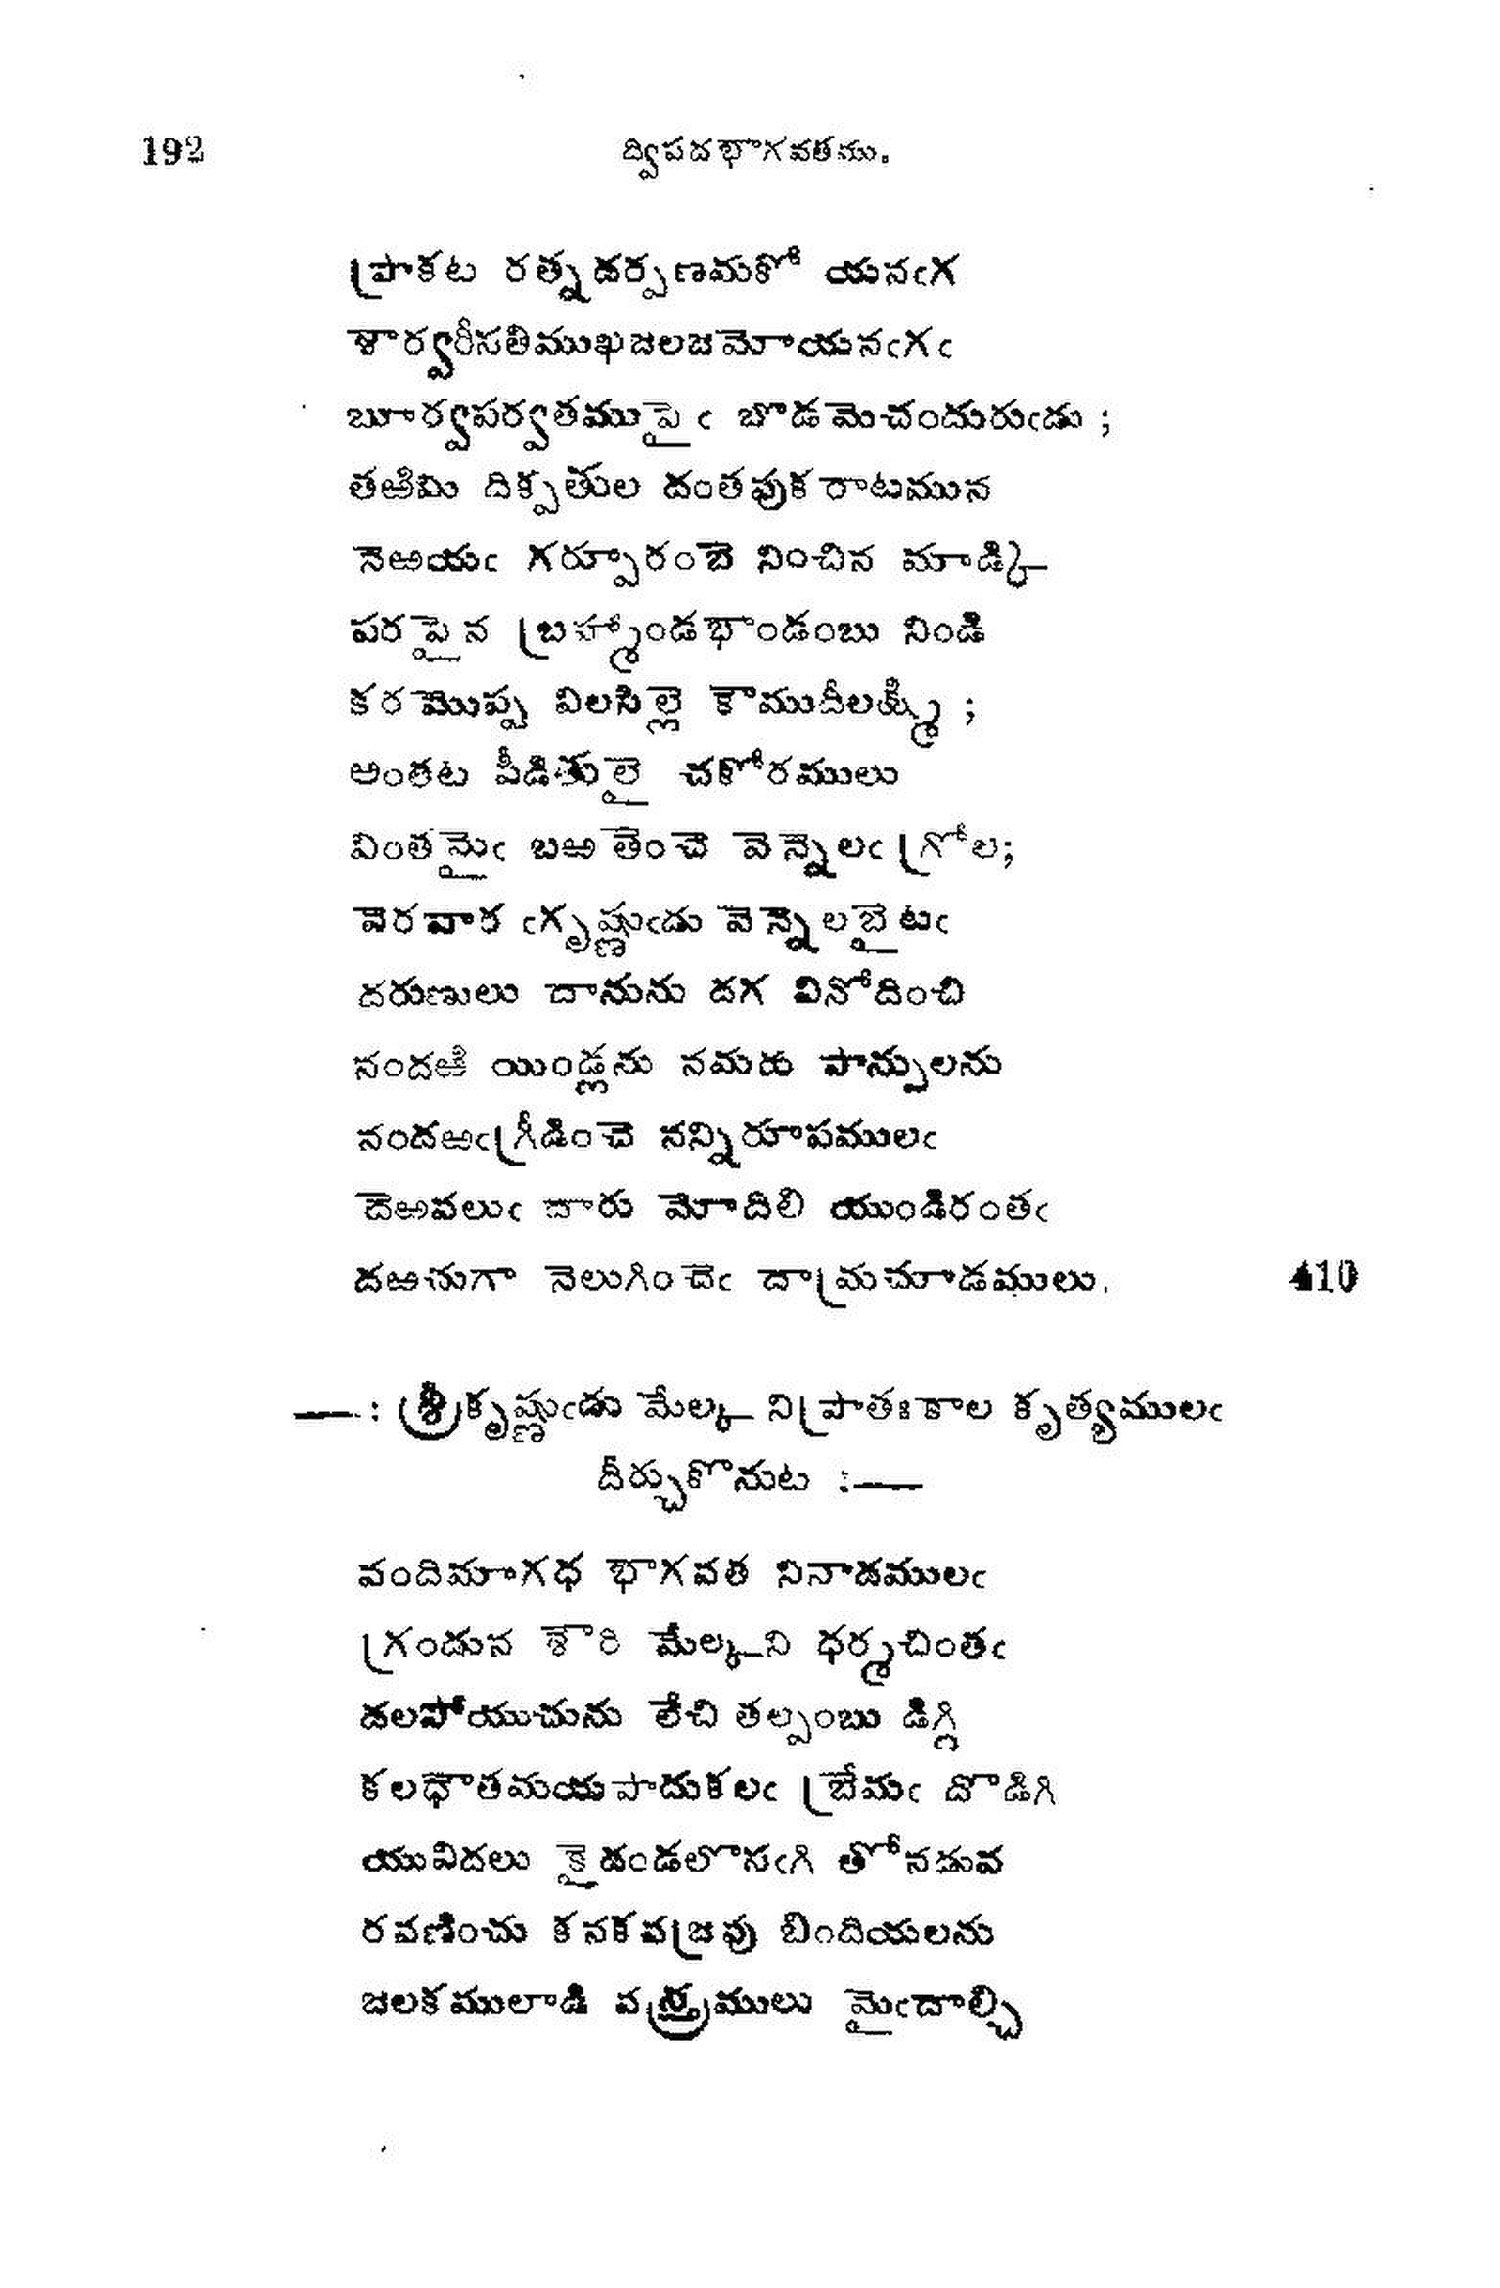ప్రాకట రత్నదర్పణమకో యనఁగ
శార్వరీసతిముఖజలజమోయనఁగఁ
బూర్వపర్వతముపైఁ బొడమె చందురుఁడు; 
తఱిమి దిక్పతుల దంతపుకరాటమున
నెఱయఁ గర్పూరంబె నించిన మాడ్కి
పరమైన బ్రహ్మాండభాండంబు నిండి
కరమొప్ప విలసిల్లె కౌముదీలక్ష్మి; 
అంతట పీడితులై చకోరములు
వింతమైఁ బఱతెంచె వెన్నెఁలగ్రోల; 
వెరవారఁ గృష్ణుఁడు వెన్నెలబైటఁ
దరుణులు దానును దగ వినోదించి
నందఱి యిండ్లను నమరు పాన్పులను
నందఱఁ గ్రీడించె నన్ని రూపములఁ
దెఱవలుఁ దారు మోదిలి యుండిరంతఁ
దఱచుగా నెలుగెంచెఁ దామ్రచూడములు.

వందిమాగధ భాగవత నినాదములఁ 
గ్రందున శౌరి మేల్కని ధర్మచింతఁ
దలపోయుచును లేచి తల్పంబు డిగ్గి
కలధౌతమయపాదుకలఁ బ్రేమఁ దొడిగి
యువిదలు కైదండలొసఁగి తోనడువ
రవణించు కనకవజ్రపు బిందియలను 
జలకములాడి వస్త్రములు మైఁదాల్చి